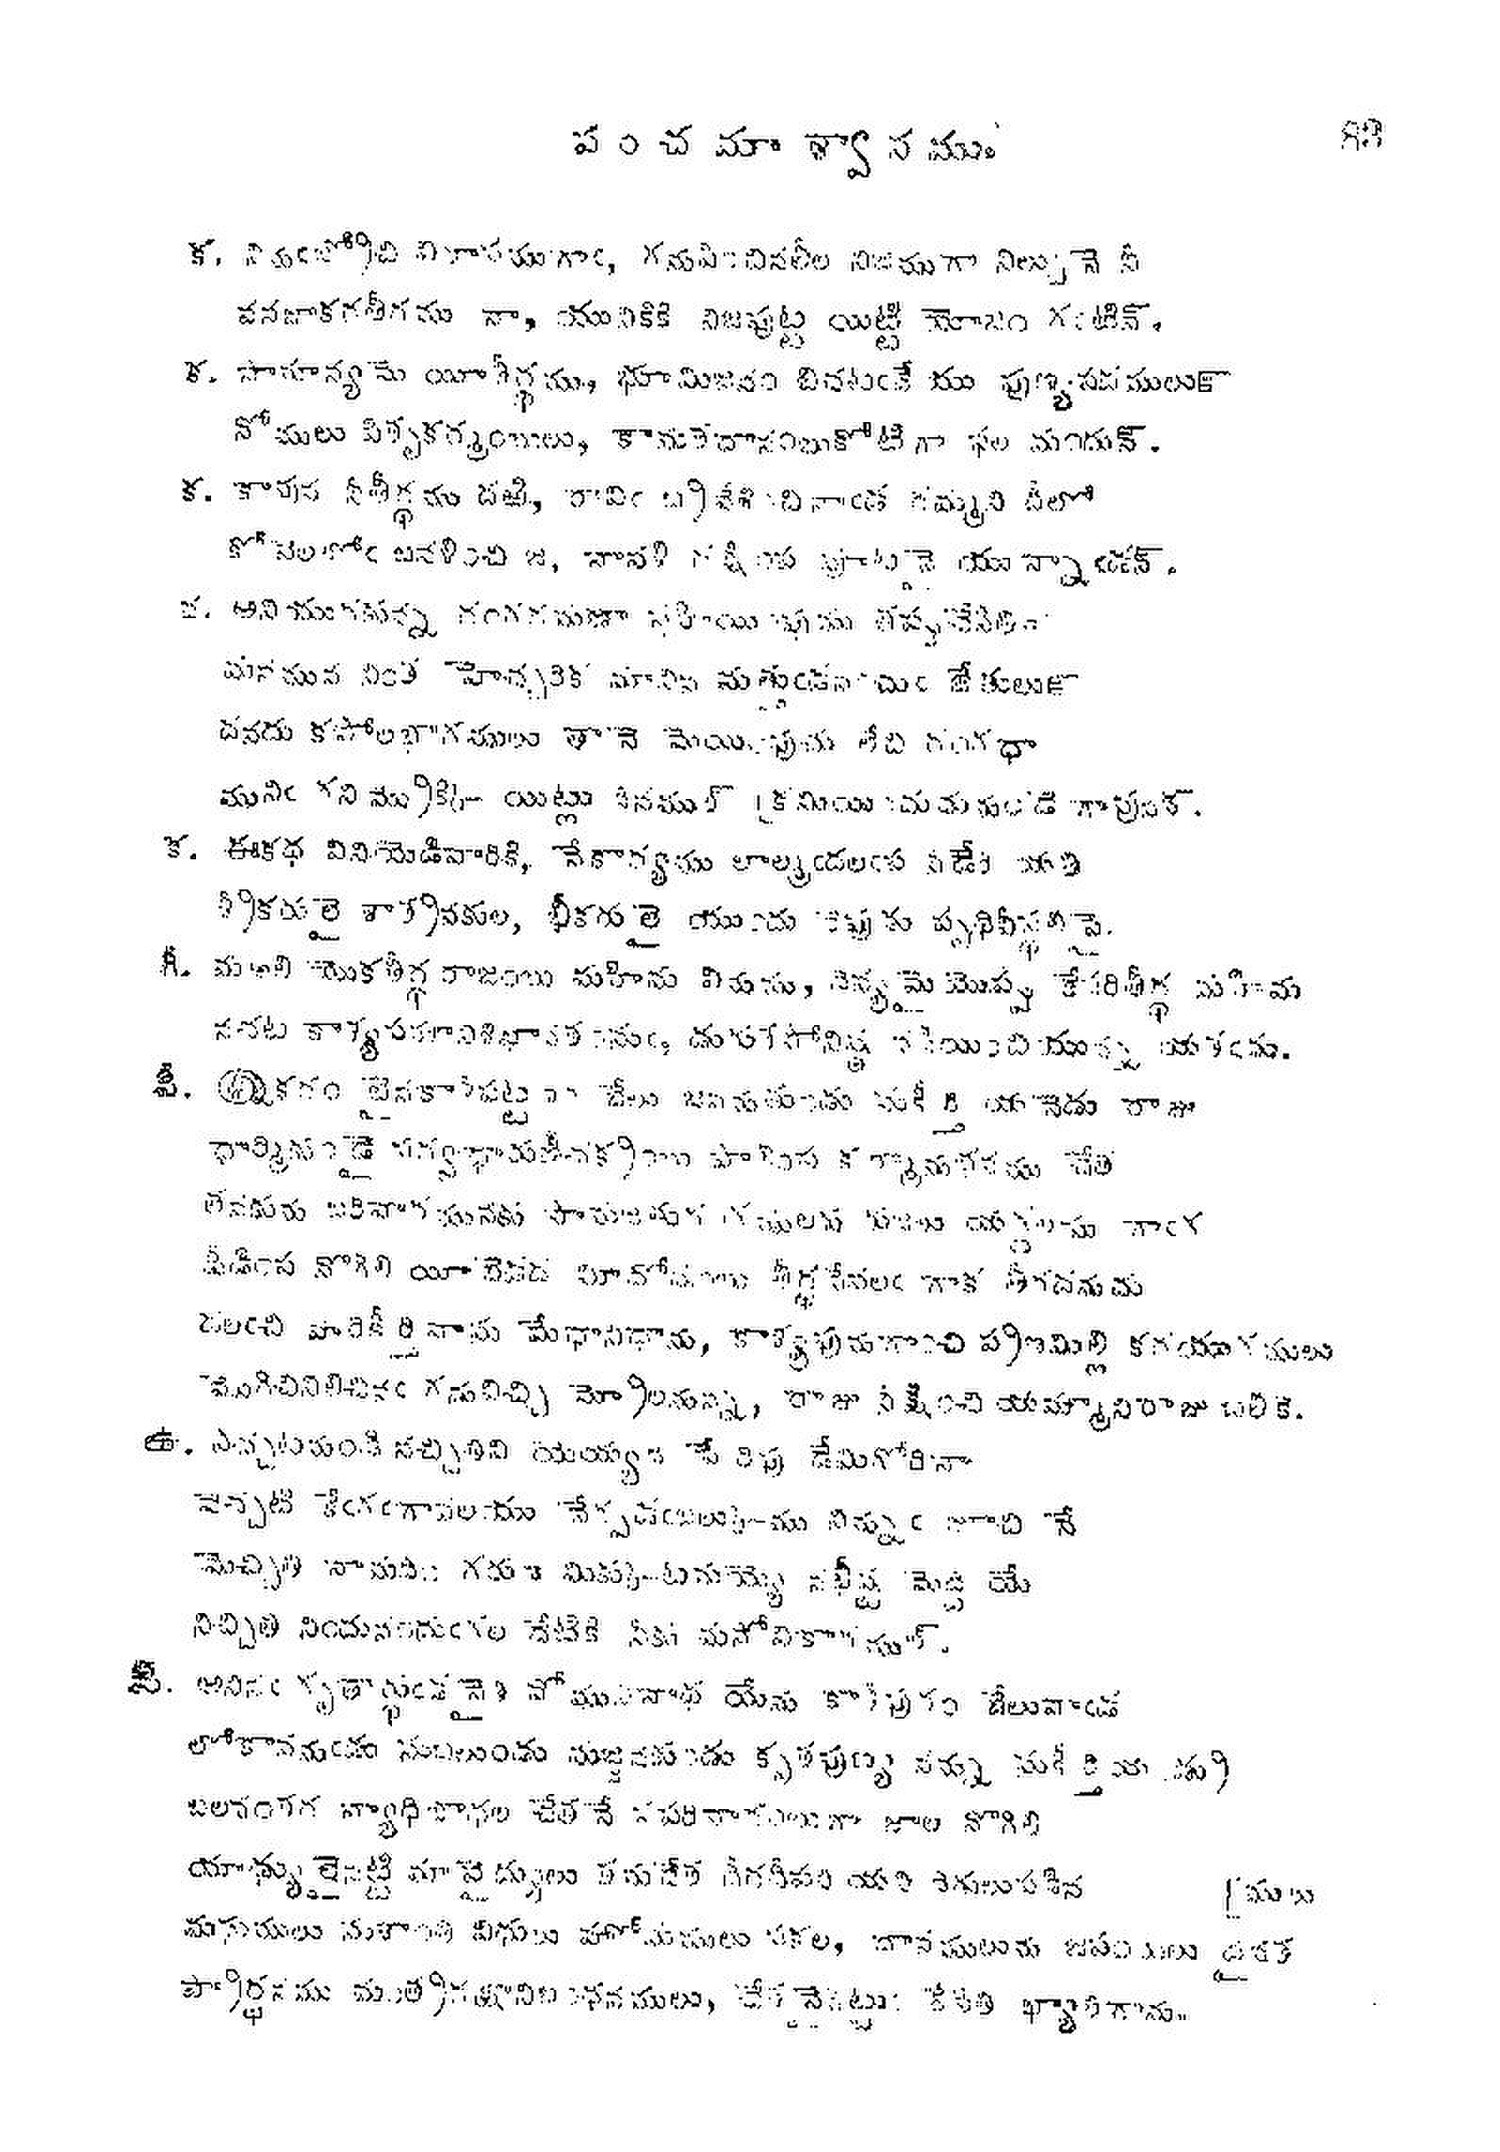క. నినుఁ బ్రోచి విలాసముగాఁ, గనుపించినలీల నిజముగా నిల్చునె నీ
 వనజాకరతీరము నా, యునికికి నిజపుట్ట యిట్టి యోజం గంటిన్.
క. సామాన్యమె యీతీర్థము, భూమిజనం బిచటఁ జేయు పుణ్యపదములున్
 నోములు పితృకర్మంబులు, కామతదానంబుకోటిగా ఫల మందున్.
క. కావున నీతీర్థము దఱి, రావిఁ బ్రవేశించినాఁడ రమ్మని దీలో
 కోవెలలోఁ బవళించి జ, నావళి రక్షింప పూటనై యున్నాడన్.
వ. అనియురకున్న రంగరమణా సహియింపుము తప్పు చేసితిన్
 మనమున నింత హెచ్చరిక మానిన మత్తుఁడ నగుచుఁ జేతులున్
 దనదు కపోలభాగములు తానె మెయింపుచు లేచి రంగధా
 మునిఁ గని మ్రొక్కి యిట్లు దినముల్ క్రమియించుచునుండె గావునన్.
క. ఈకథ వినియెడివారికి, నేకార్యము లాల్మదలఁప వడేరి యతి
 శ్రీకరులై శాత్రవకుల, భీకరులై యుందు నెపుడు పృథివీస్థలిపై.
గీ. మఱలి యొకతీర్థరాజంబు మహిమ వినుము, దివ్యమైయొప్పు కేసరితీర్థమహిమ
 నచట కాశ్యపమౌనిశిఖావతంసు, దురుతపోనిష్ఠ వసియించియున్న యతఁడు.
సీ. శ్రీకరం బైన కాశీపట్టణం బేలు జననుతుండు సుకీర్తి యనెడు రాజు
 ధార్మికుండై సర్వధారుణీచక్రంబు పాలింప కర్మానుభవముచేత
 తనకును బరివారమునకు సామజతురగములకు రుజలు యగ్గలము గాఁగ
 పీడింప నొగిలి యీబెడద మీదోషంబు తీర్థసేవలఁ గాక తీరదనుచు
 దలఁచి హరికీర్తినామ మేధానిధాను, కాశ్యపును గాంచి ప్రణమిల్లి కరయుగములు
 మొగిచి నిలిచిఁన గనువిచ్చి మ్రోలనున్న, రాజు నీక్షించి యమ్మౌనిరాజు బలికె.
ఉ. ఎచ్చటనుండి వచ్చితివి యెయ్యది పే రిపు డేమి గోరినా
 వెచ్చటి కేఁగఁగావలయు నేర్పడఁబల్కుము నిన్నుఁ జూచి నే
 మెచ్చితి నామదిం గరుణ మిక్కుటమయ్యె నభీష్ట మెద్ది యే
 నిచ్చితి నిందునందుఁగల దేటికి నీకు మహావికారముల్.
సీ. అనినఁ గృతార్థుఁడనైతి నోమునినాథ యేను కాశీపురం బేలువాఁడ
 లోకాననుఁడు సుబలుండు మజ్జనకుండు కృతపుణ్య నన్ను సుకీర్తి యండ్రు
 బలవంతర వ్యాధిబాధలచేత నే సపరివారులుగా జాల నొగిలి
 యాఢ్యులైనట్టి మావైద్యులు తమచేత దీరదీపని యని దిగులుపడిన
 మఘములు సుశాంతివిధులు హోమములు సకల, దానములును జపంబులు దైవతములు
 ప్రార్థనము మంత్రరక్షానిబంధనములు, చేతనైనట్టుఁ జేసితి ఖ్యాతిగాను.